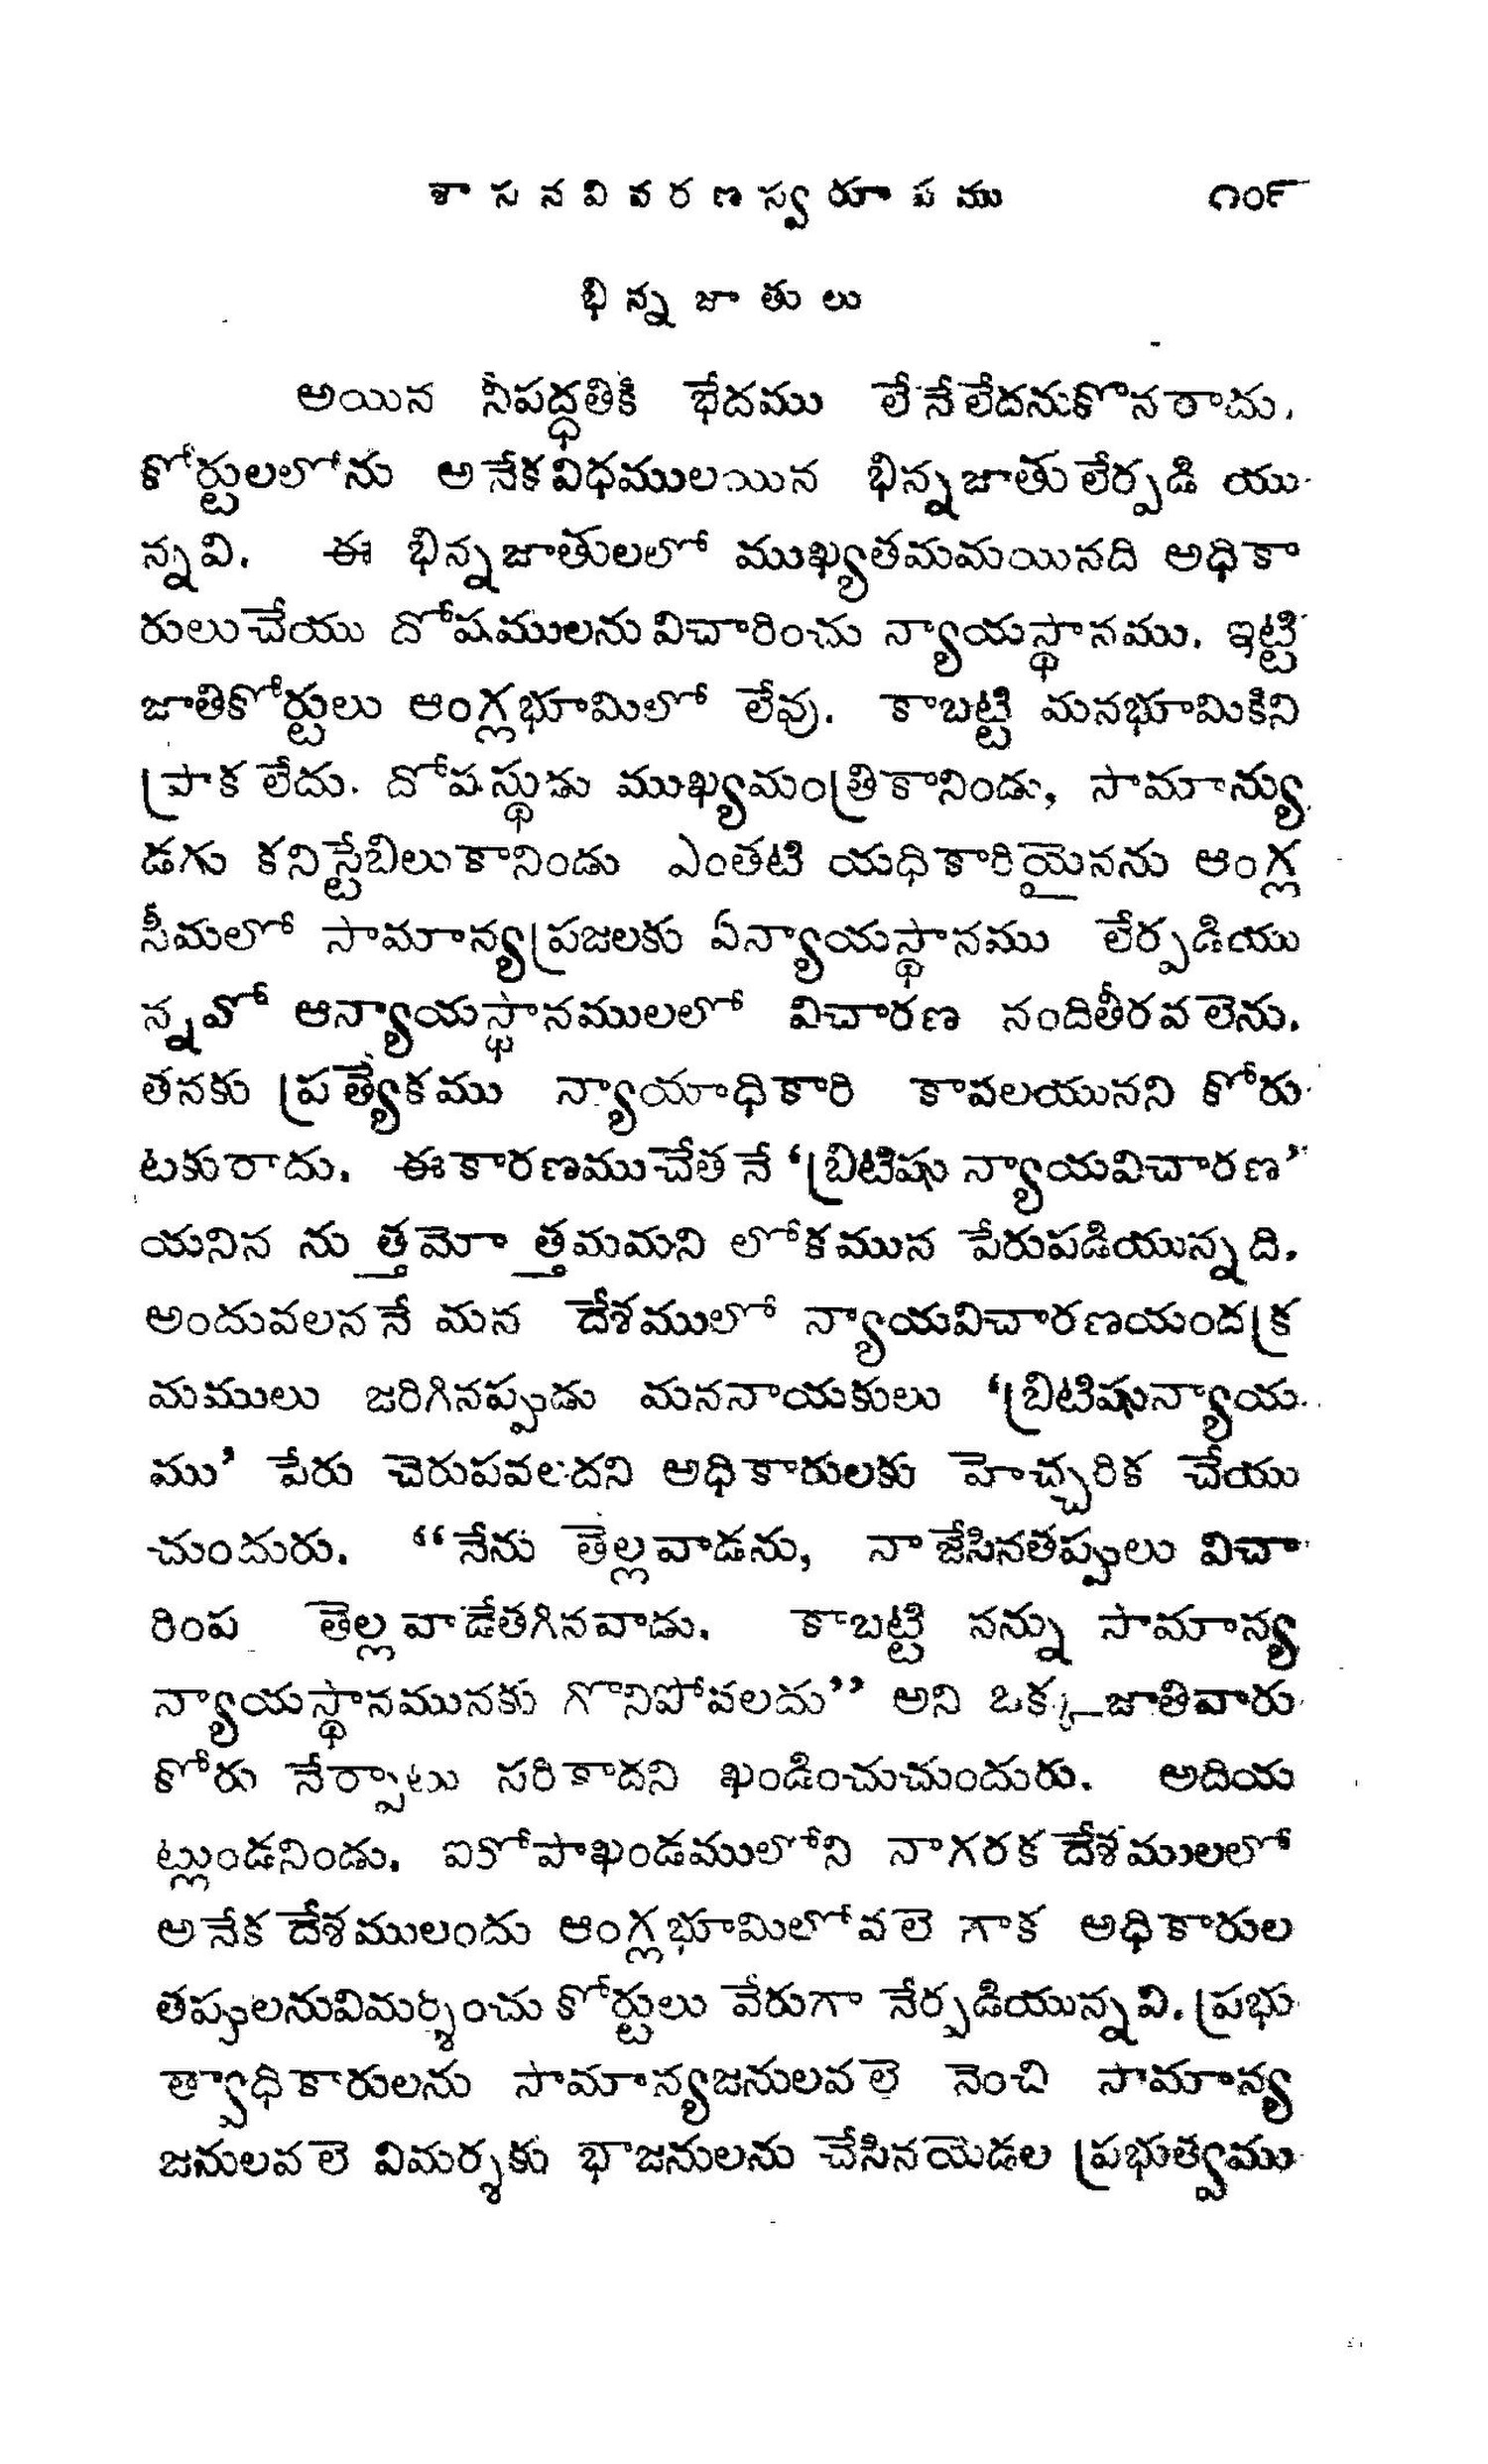అయిన నీపద్ధతికి భేదము లేనే లేదనుకొనరాదు. కోర్టులలోను అనేకవిధములయిన భిన్నజాతు లేర్పడి యున్నవి. ఈ భిన్నజాతులలో ముఖ్యతమమయినది అధికారులుచేయు దోషములను విచారించు న్యాయస్థానము. ఇట్టి జాతికోర్టులు ఆంగ్లభూమిలో లేవు. కాబట్టి మనభూమికిని ప్రాకలేదు.
దోషస్థుడు ముఖ్యమంత్రికానిండు, సామాన్యుడగు కనిస్టేబిలుకానిండు ఎంతటి యధికారియైనను ఆంగ్ల సీమలో సామాన్యప్రజలకు ఏన్యాయస్థానము లేర్పడియున్నవో ఆన్యాయస్థానములలో విచారణ నందితీరవలెను. తనకు ప్రత్యేకము న్యాయాధికారి కావలయునని కోరుటకురాదు. ఈకారణముచేత నే 'బ్రిటిషు న్యాయవిచారణ'యనిన నుత్తమోత్తమమని లోకమున పేరుపడియున్నది. అందువలననే మన దేశములో న్యాయవిచారణయందక్రమములు జరిగినప్పుడు మననాయకులు 'బ్రిటిషున్యాయము' పేరు చెరుపవలదని అధికారులకు హెచ్చరిక చేయుచుందురు. "నేను తెల్లవాడను, నా జేసినతప్పులు విచారింప తెల్లవాడేతగినవాడు. కాబట్టి నన్ను సామాన్య న్యాయస్థానమునకు గొనిపోవలదు” అని ఒక్కజాతివారు కోరు నేర్పాటు సరికాదని ఖండించుచుందురు. అదియట్లుండ నిండు. ఐరోపాఖండములోని నాగరకదేశములలో అనేక దేశములందు ఆంగ్లభూమిలోవలె గాక అధికారుల తప్పులనువిమర్శించు కోర్టులు వేరుగా నేర్పడియున్నవి. ప్రభుత్వాధికారులను సామాన్యజనులవలె నెంచి సామాన్యజనులవలె విమర్శకు భాజనులను చేసినయెడల ప్రభుత్వము